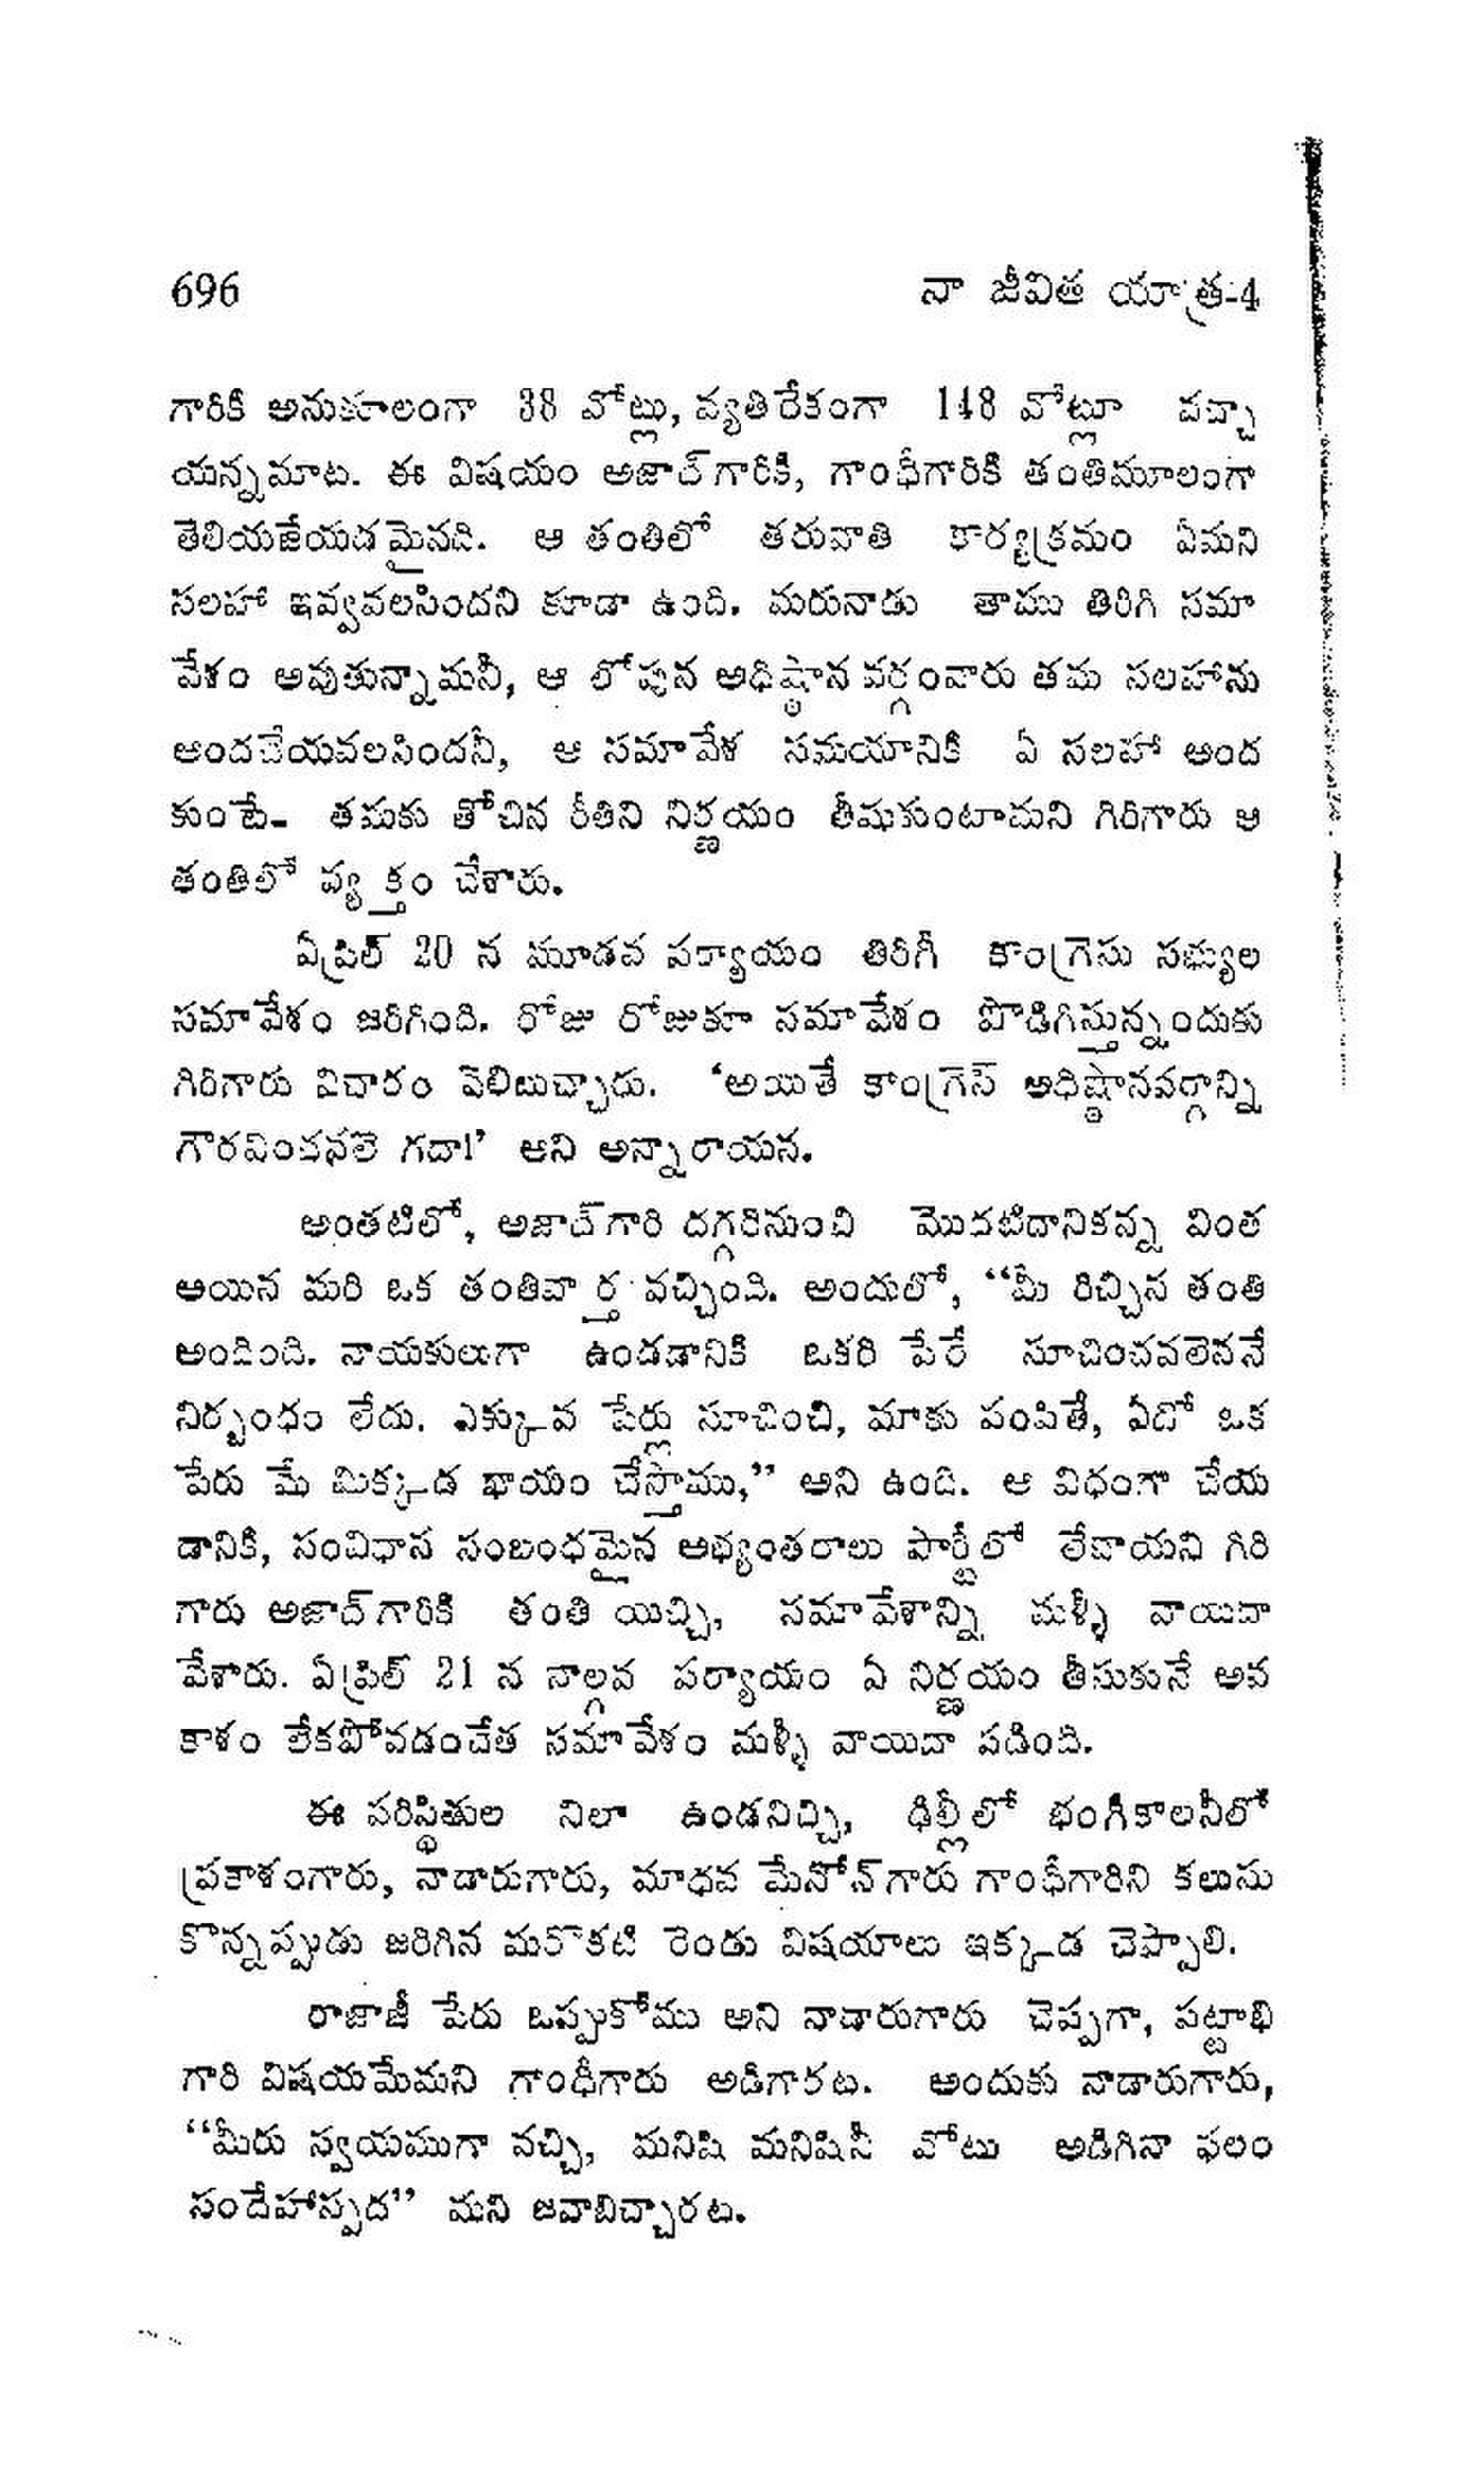గారికి అనుకూలంగా 38 వోట్లు, వ్యతిరేకంగా 148 వోట్లు వచ్చాయన్నమాట. ఈ విషయం ఆజాద్‌గారికి, గాంధీగారికి తంతిమూలంగా తెలియజేయడమైనది. ఆ తంతిలో తరువాతి కార్యక్రమం ఏమని సలహా ఇవ్వవలసిందని కూడా ఉంది. మరునాడు తాము తిరిగి సమావేశం అవుతున్నామనీ, ఆ లోపున అధిష్ఠాన వర్గంవారు తమ సలహాను అందచేయవలసిందనీ, ఆ సమావేశ సమయానికి ఏ సలహా అందకుంటే - తమకు తోచిన రీతిని నిర్ణయం తీసుకుంటామని గిరిగారు ఆ తంతిలో వ్యక్తం చేశారు.

ఏప్రిల్ 20 న మూడవ పర్యాయం తిరిగీ కాంగ్రెసు సభ్యుల సమావేశం జరిగింది. రోజు రోజుకూ సమావేశం పొడిగిస్తున్నందుకు గిరిగారు విచారం వెలిబుచ్చారు. 'అయితే కాంగ్రెస్ అధిష్ఠానవర్గాన్ని గౌరవించవలె గదా!' అని అన్నారాయన.

అంతటిలో, ఆజాద్‌గారి దగ్గరినుంచి మొదటిదానికన్న వింత అయిన మరి ఒక తంతివార్త వచ్చింది. అందులో, "మీ రిచ్చిన తంతి అందింది. నాయకులుగా ఉండడానికి ఒకరి పేరే సూచించవలెననే నిర్భంధం లేదు. ఎక్కువ పేర్లు సూచించి, మాకు పంపితే, ఏదో ఒక పేరు మే మిక్కడ ఖాయం చేస్తాము," అని ఉంది. ఆ విధంగా చేయడానికి, సంవిధాన సంబంధమైన అభ్యంతరాలు పార్టీలో లేచాయని గిరిగారు ఆజాద్‌గారికి తంతి యిచ్చి, సమావేశాన్ని మళ్ళీ వాయిదా వేశారు. ఏప్రిల్ 21 న నాల్గవ పర్యాయం ఏ నిర్ణయం తీసుకునే అవకాశం లేకపోవడంచేత సమావేశం మళ్ళీ వాయిదా పడింది.

ఈ పరిస్థితుల నిలా ఉండనిచ్చి, డిల్లీలో భంగీకాలనీలో ప్రకాశంగారు, నాడారుగారు, మాధవ మేనోన్‌గారు గాంధీగారిని కలుసుకొన్నప్పుడు జరిగిన మరొకటి రెండు విషయాలు ఇక్కడ చెప్పాలి.

రాజాజీ పేరు ఒప్పుకోము అని నాడారుగారు చెప్పగా, పట్టాభిగారి విషయమేమని గాంధీగారు అడిగారట. అందుకు నాడారుగారు, "మీరు స్వయముగా వచ్చి, మనిషి మనిషినీ వోటు అడిగినా ఫలం సందేహాస్పద"మని జవాబిచ్చారట.